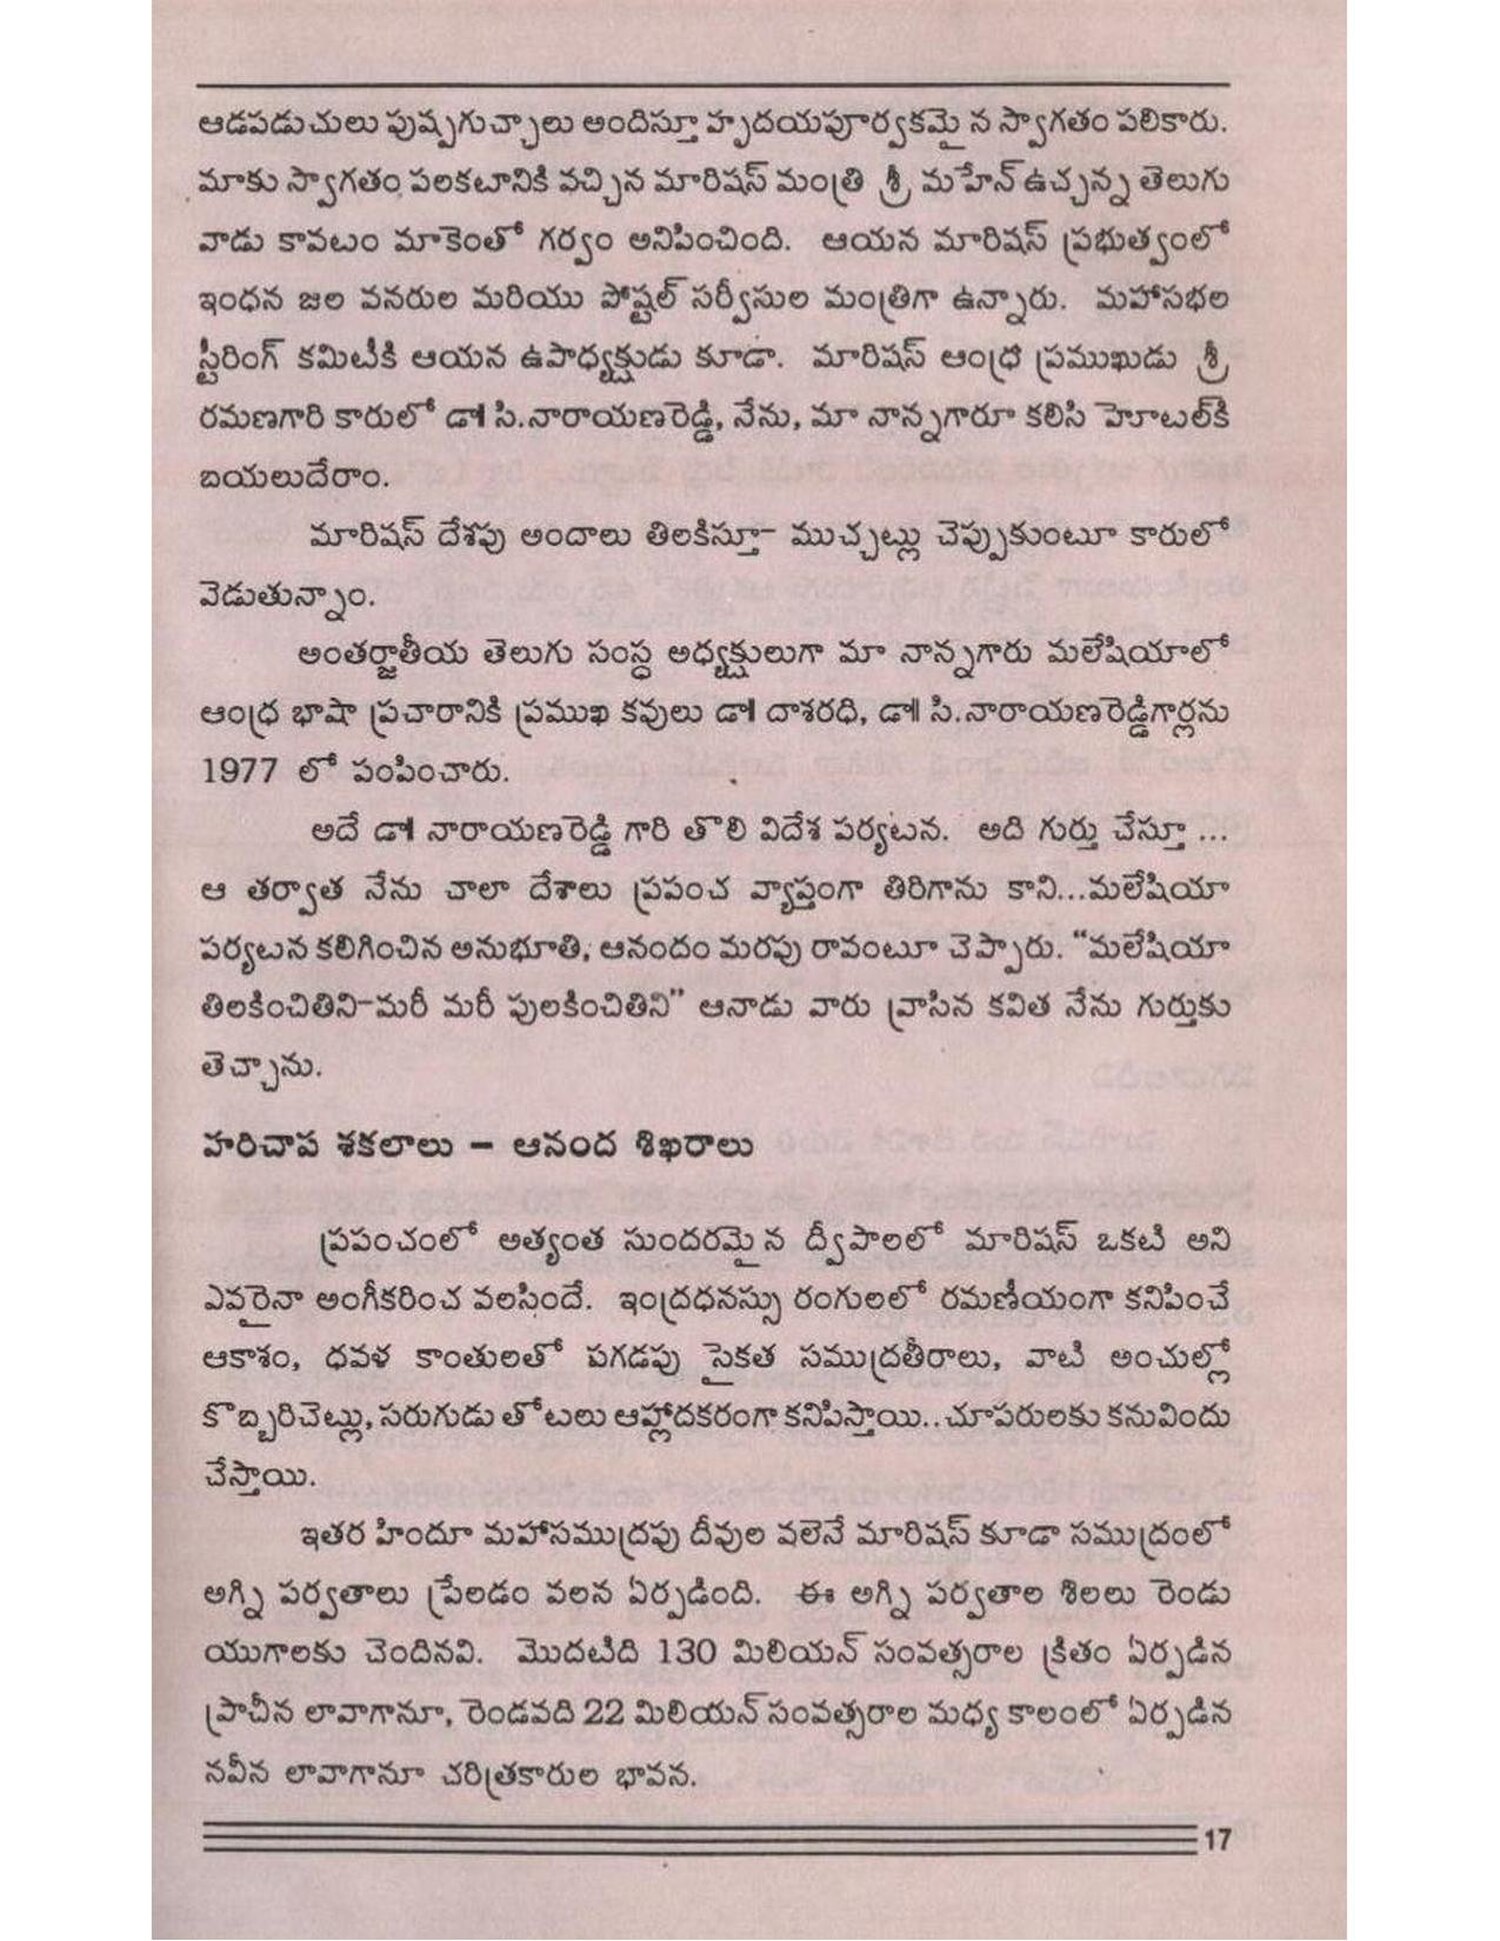ఆడపడుచులు పుష్పగుచ్ఛాలు అందిస్తూహృదయపూర్వకమైన స్వాగతం పలికారు. మాకు స్వాగతం పలకటానికి వచ్చిన మారిషస్ మంత్రి శ్రీ మహేన్ ఉచ్చన్న తెలుగు వాడు కావటం మాకెంతో గర్వం అనిపించింది. ఆయన మారిషస్ ప్రభుత్వంలో ఇంధన జల వనరుల మరియు పోష్టల్ సర్వీసుల మంత్రిగా ఉన్నారు. మహాసభల స్టీరింగ్ కమిటీకి ఆయన ఉపాధ్యక్షుడు కూడా. మారిషస్ ఆంధ్ర ప్రముఖుడు శ్రీ రమణగారి కారులో డా॥ సి.నారాయణరెడ్డి, నేను, మా నాన్నగారూ కలిసి హోటల్ కి బయలుదేరాం.

మారిషస్ దేశపు అందాలు తిలకిస్తూ- ముచ్చట్లు చెప్పుకుంటూ కారులో వెడుతున్నాం.

అంతర్జాతీయ తెలుగు సంస్థ అధ్యక్షులుగా మా నాన్నగారు మలేషియాలో ఆంధ్ర భాషా ప్రచారానికి ప్రముఖ కవులు డా॥ దాశరధి, డా॥ సి.నారాయణరెడ్డిగార్లను 1977 లో పంపించారు. -

అదే డా॥ నారాయణరెడ్డి గారి తొలి విదేశ పర్యటన. అది గుర్తు చేస్తూ. ఆ తర్వాత నేను చాలా దేశాలు ప్రపంచ వ్యాప్తంగా తిరిగాను కాని. మలేషియా పర్యటన కలిగించిన అనుభూతి, ఆనందం మరపురావంటూ చెప్పారు. "మలేషియా తిలకించితిని-మరీ మరీ పులకించితిని" ఆనాడు వారు వ్రాసిన కవిత నేను గుర్తుకు తెచ్చాను.

హరిచాప శకలాలు - ఆనంద శిఖరాలు

ప్రపంచంలో అత్యంత సుందరమైన ద్వీపాలలో మారిషస్ ఒకటి అని ఎవరైనా అంగీకరించ వలసిందే. ఇంద్రధనస్సు రంగులలో రమణీయంగా కనిపించే ఆకాశం, ధవళ కాంతులతో పగడపు సైకత సముద్రతీరాలు, వాటి అంచుల్లో కొబ్బరిచెట్టు, సరుగుడు తోటలు ఆహ్లాదకరంగా కనిపిస్తాయి. చూపరులకు కనువిందు చేస్తాయి.

ఇతర హిందూ మహాసముద్రపు దీవుల వలెనే మారిషస్ కూడా సముద్రంలో అగ్ని పర్వతాలు పేలడం వలన ఏర్పడింది. ఈ అగ్ని పర్వతాల శిలలు రెండు యుగాలకు చెందినవి. మొదటిది 130 మిలియన్ సంవత్సరాల క్రితం ఏర్పడిన ప్రాచీన లావాగానూ, రెండవది 22 మిలియన్ సంవత్సరాల మధ్యకాలంలో ఏర్పడిన నవీన లావాగానూ చరిత్రకారుల భావన.